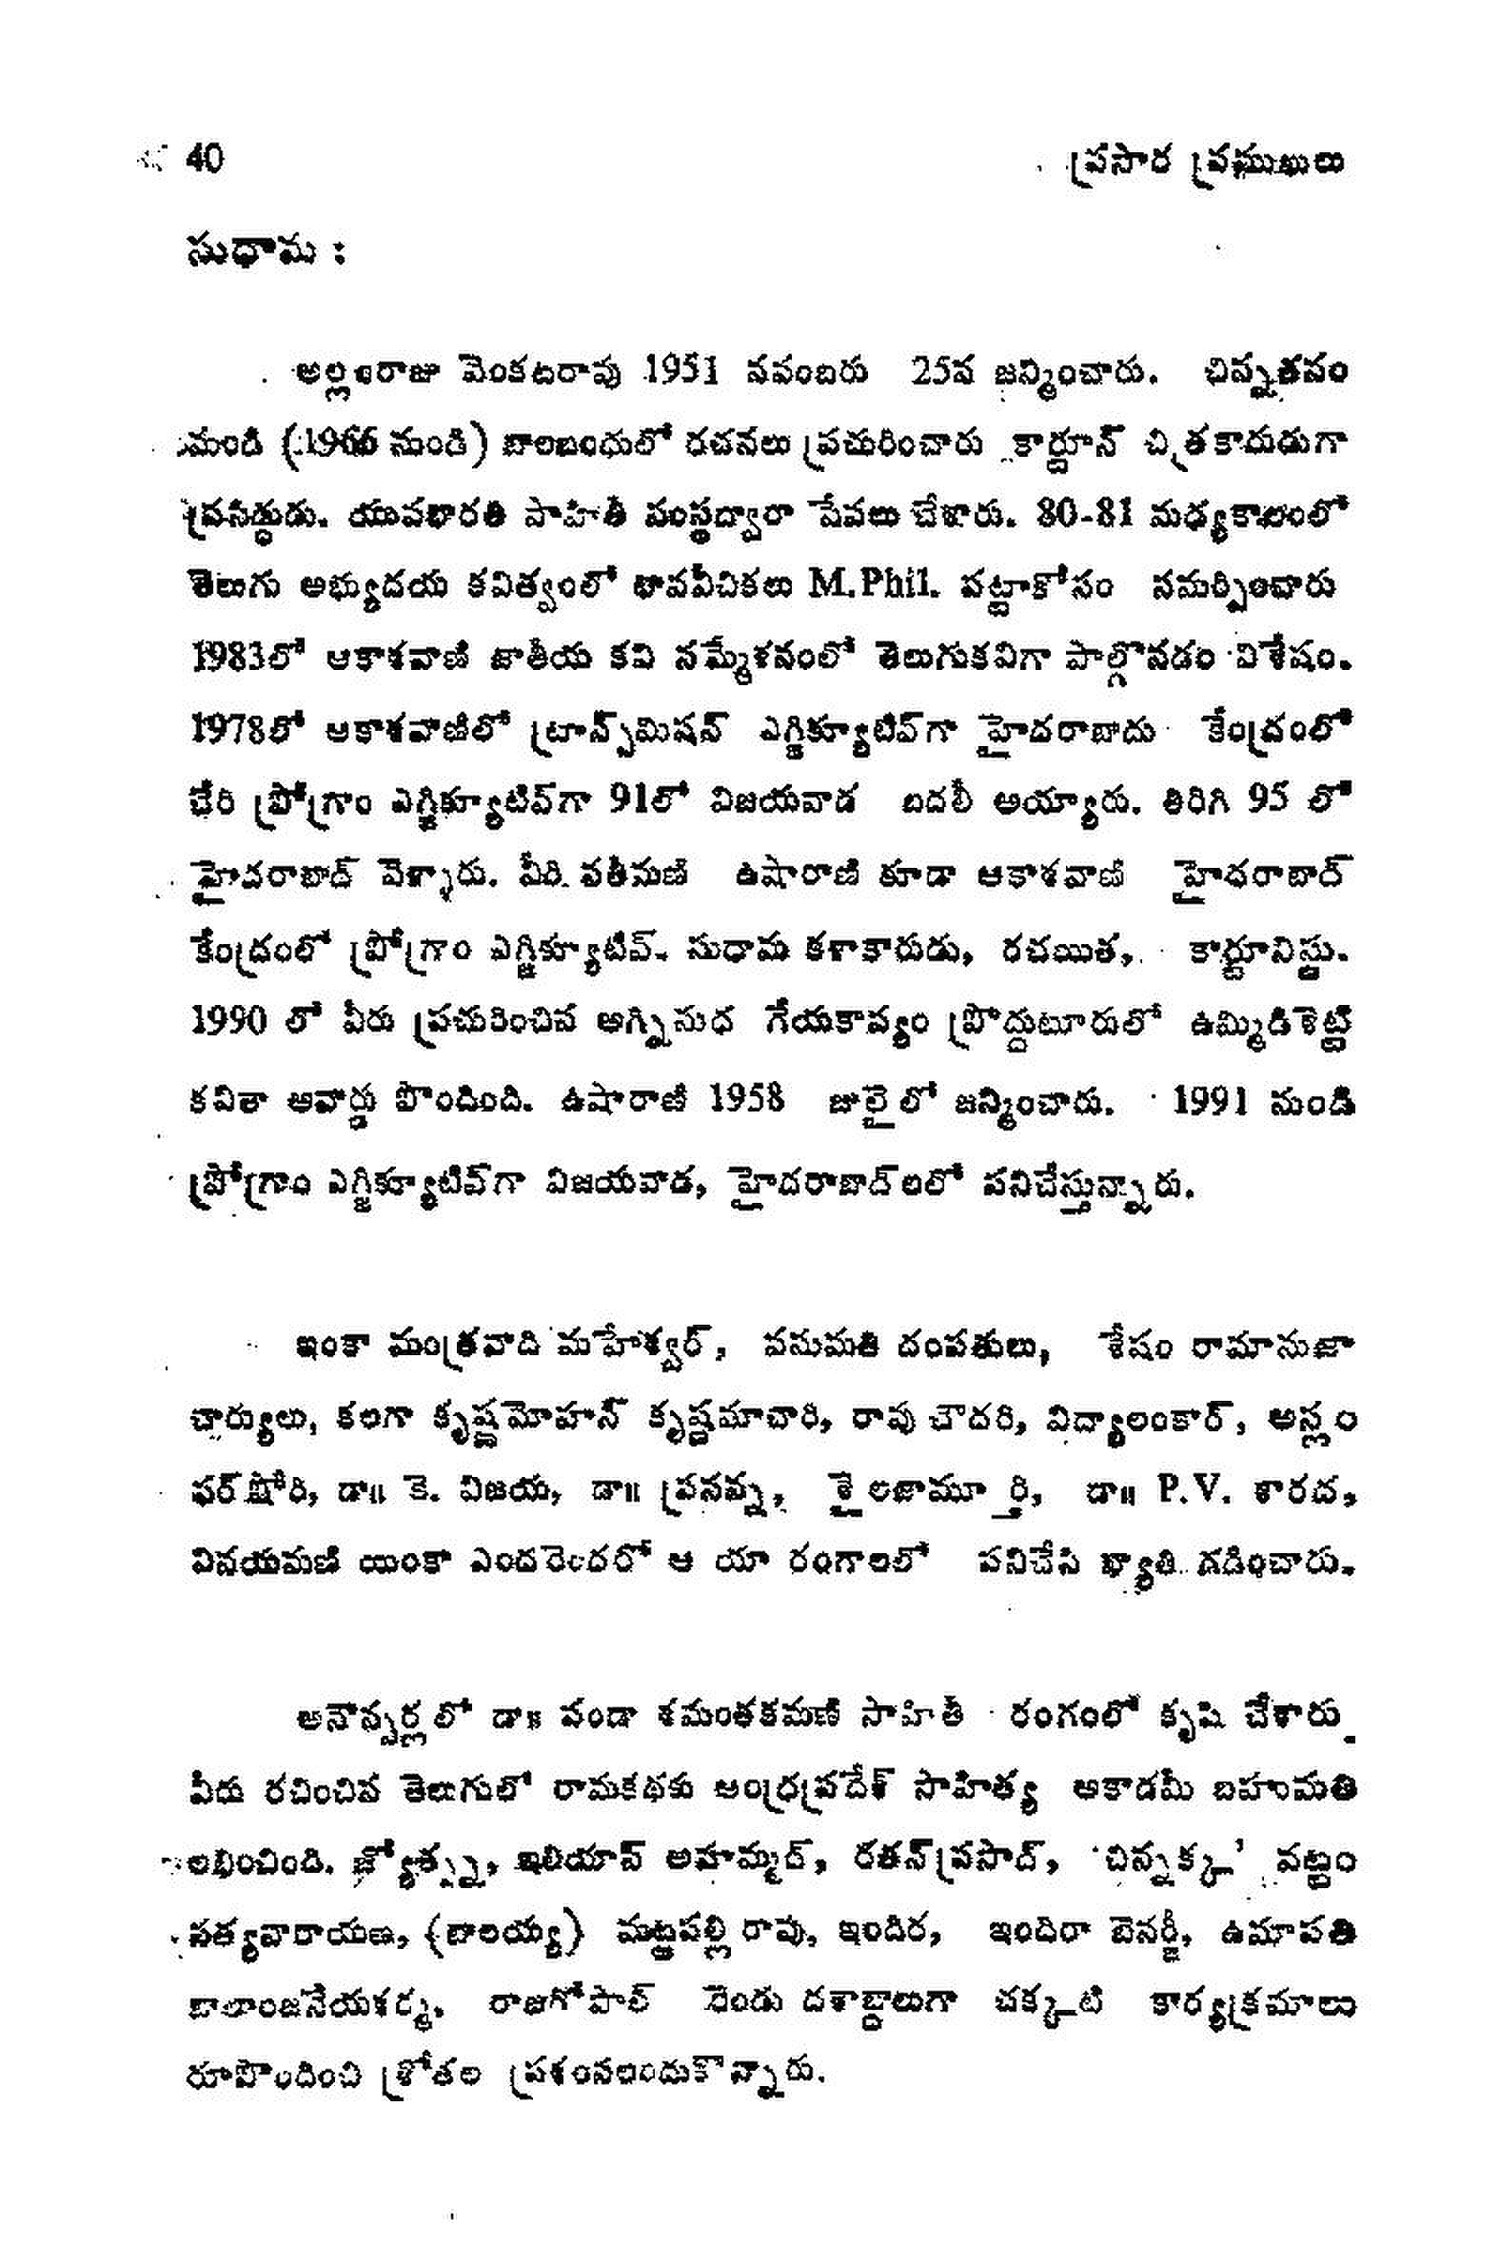అల్లంరాజు వెంకటరావు 1951 నవంబరు 25న జన్మించారు. చిన్నతనం నుండి (1966 నుండి) బాలబంధులో రచనలు ప్రచురించారు. కార్టూన్ చిత్రకారుడుగా ప్రసిద్ధుడు. యువభారతి సాహితీ సంస్థద్వారా సేవలు చేశారు. 80-81, అధ్యకాలంలో తెలుగు అభ్యుదయ కవిత్వంలో భావవీచికలు M.Phil. పట్టాకోసం సమర్పించారు. 1983లో ఆకాశవాణి జాతీయ కవి సమ్మేళనంలో తెలుగుకవిగా పాల్గొనడం విశేషం. 1978లో ఆకాశవాణిలో ట్రాన్స్‌మిషన్ ఎగ్జిక్యూటివ్‌గా హైదరాబాదు కేంద్రంలో చేరి ప్రోగ్రాం ఎగ్జిక్యూటివ్‌గా 91లో విజయవాడ బదలీ అయ్యారు. తిరిగి 95లో హైదరాబాద్ వెళ్ళారు. వీరి సతీమణి ఉషారాణి కూడా ఆకాశవాణి హైదరాబాద్ కేంద్రంలో ప్రోగ్రాం ఎగ్జిక్యూటివ్. సుధామ కళాకారుడు, రచయిత, కార్టూనిస్టు. 1990 లో వీరు ప్రచురించిన అగ్నిసుధ గేయకావ్యం ప్రొద్దుటూరులో ఉమ్మిడిశెట్టి కవితా అవార్డు పొందింది. ఉషారాణి 1958 జులైలో జన్మించారు. 1951 నుండి ప్రోగ్రాం ఎగ్జిక్యూటివ్‌గా విజయవాడ, హైదరాబాద్‌లలో పనిచేస్తున్నారు.

ఇంకా మంత్రవాది మహేశ్వర్, వసుమతి దంపతులు, శేషం రామానుజాచార్యులు, కలగా కృష్ణమోహన్ కృష్ణమాచారి, రావు చౌదరి, విద్యాలంకార్, అస్లం ఫర్‌షోరి, డా|| కె. విజయ, డా|| ప్రసన్న, శైలజామూర్తి, డా|| P.V. శారద, వినయమణి యింకా ఎందరెందరో ఆ యా రంగాలలో పనిచేసి ఖ్యాతి గడించారు.

అనౌన్సర్లలో డా|| పండా శమంతకమణి సాహితీ రంగంలో కృషిచేశారు. వీరు రచించిన తెలుగులో రామకథకు ఆంధ్రప్రదేశ్ సాహిత్య అకాడమీ బహుమతి లభించింది. జ్యోత్స్న, ఇలియాస్ అహమ్మద్, రతన్‌ప్రసాద్, చిన్నక్క' వట్టం సత్యనారాయణ, (బాలయ్య) మట్టపల్లి రావు, ఇందిరా బెనర్జీ, ఉమాపతి బాలాంజనేయశర్మ, రాజగోపాల్ రెండు దశాబ్దాలుగా చక్కటి కార్యక్రమాలు రూపొందించి శ్రోతల ప్రశంసలందుకొన్నారు.